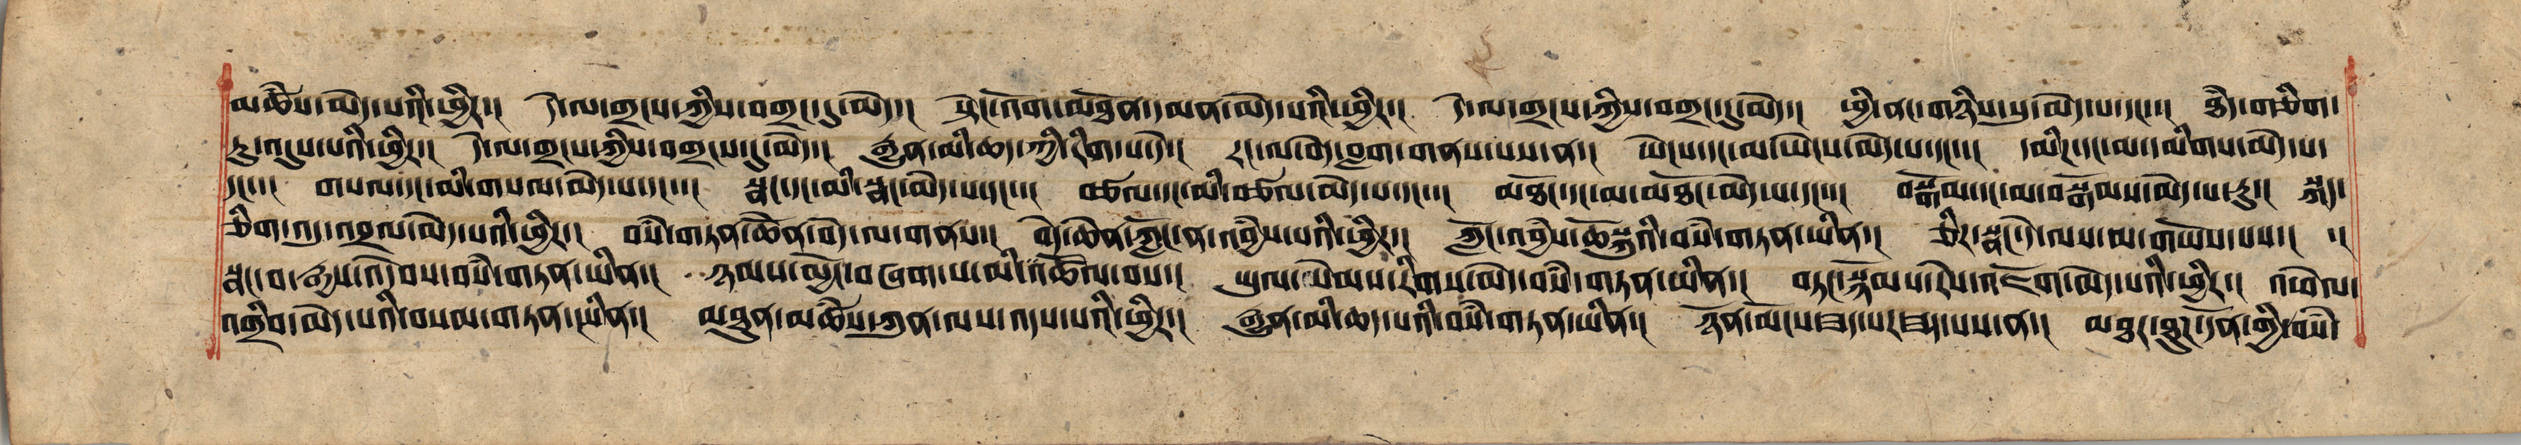མཚཾས་མེད་པའི་ཕྱིར་། དེ་ལ་གྲངས་ཀྱིས་བགྲང་དུ་མེད་། སྟེང་འོག་མཐོན་དམན་མེད་པའི་ཕྱིར་། དེ་ལ་གྲངས་ཀྱིས་བགྲང་དུ་མེད་། ཕྱི་ནང་གཉིས་སུ་མེད་པ་དང་་། ཐཾད་གཅིག་
ཏུ་འདུས་པའི་ཕྱིར་། དེ་ལ་གྲངས་ཀྱིས་བགྲངས་དུ་མེད་། རྒྱུན་མི་ཆད་ཀྱི་རིག་པ་དེ་། རང་ལ་བདེ་བླག་གནས་པས་ན་། ཡེངས་དང་མ་ཡེངས་མེད་པ་དང་། དམིཌ་དང་མ་དམིགས་མེད་པ་
དང་་། གསལ་དང་མི་གསལ་མེད་པ་དང་་། སྣང་དང་མི་སྣང་མེད་པ་དང་་། བཙལ་དང་མི་བཙལ་མེད་པ་དང་་། མཐོང་དང་མ་མཐོང་མེད་པ་དང་་། བསྒོམ་དང་མ་བསྒོམས་མེད་པ་རུ་། སྐད་
ཅིག་འདུ་འབྲལ་མེད་པའི་ཕྱིར་། བསཾ་གཏན་ཆོེན་བདེ་ལ་གནས་། བདེ་ཆེན་ཀློང་ན་འབྱཾས་པའི་ཕྱིར་། ཀློང་འབྱཾས་ཆོསྐུའི་བསཾ་གཏན་ཡིན་། ཅིར་སྣང་དེ་ལས་མ་གཡོས་པས་། ་།
སྣང་བ་རྒྱས་འདེབས་བསཾ་གཏན་ཡིན་། ཉམས་མྱོང་བཞག་པ་མི་འཚོལ་བས་། ཡུལ་སེམས་རིགས་མེད་བསྃ་གཏན་མིན་། བཏང་སྙོམས་རེས་འཇོག་མེད་པའི་ཕྱིར་། འཕེལ་
འགྲིབ་མེད་པའི་བསམ་གཏན་ཡིན་། མཐུན་མཚཾས་ཀུན་ལས་འདས་པའི་ཕྱིར་། རྒྱུན་མི་ཆད་པའི་བསཾ་གཏན་ཡིན་། ཉོན་མོངས་ཟད་པར་ཟད་པས་ན་། མཐར་ཐུཌ་དོན་གྱི་སེཾས་